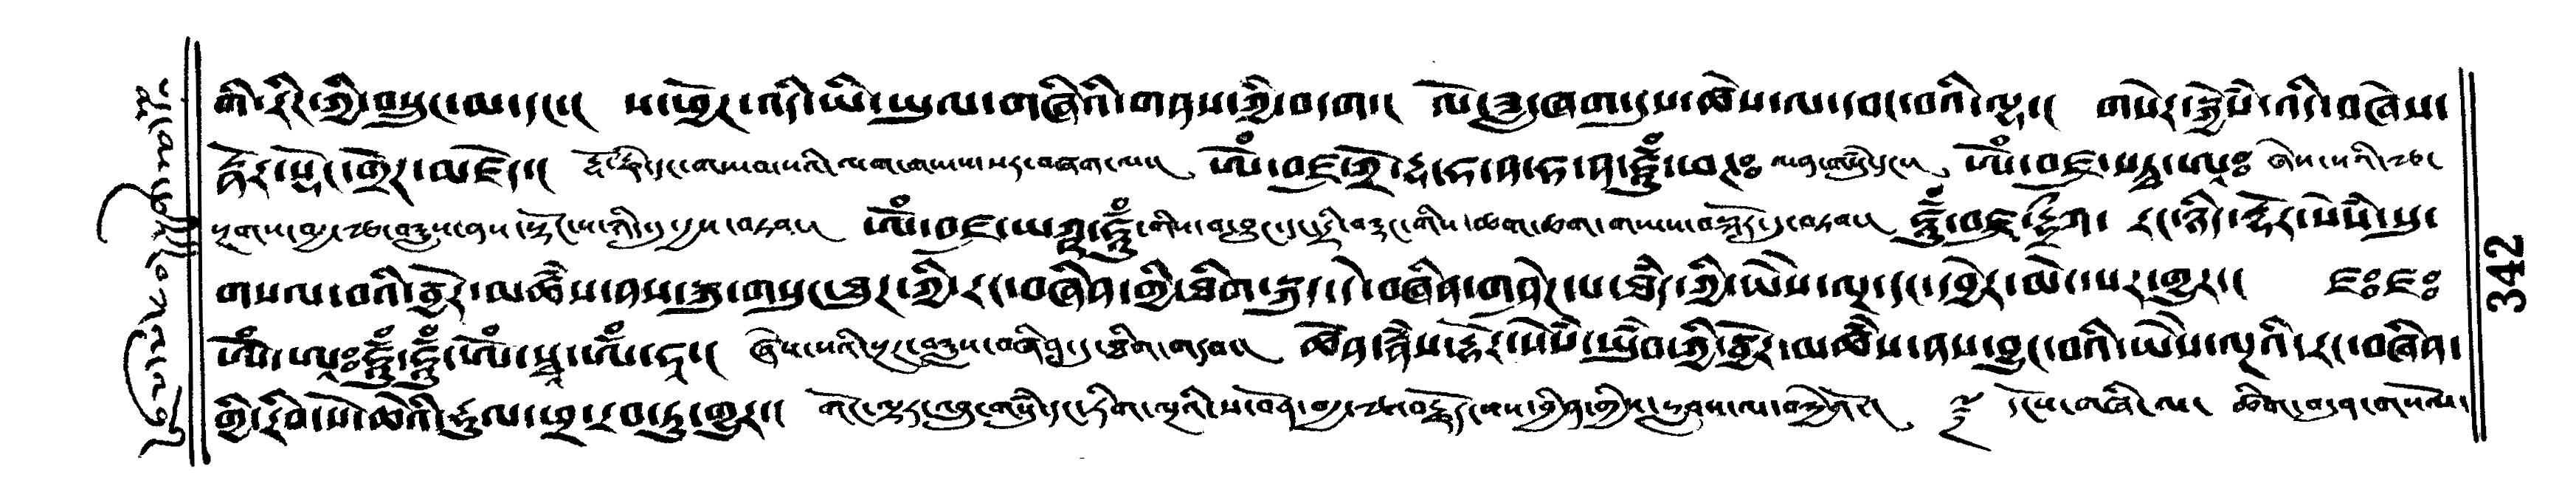གི་རིགས་ཀྱི་སྲུང་མ་དང་། །ས་ཕྱོགས་འདི་ཡི་ཡུལ་གཞིའི་གནས་ཀྱི་བདག །ལོ་ཟླ་ཞག་དུས་ཚེས་ལ་དབང་བའི་ལྷ། །གསེར་སྐྱེམས་འདི་བཞེས་
རྣལ་འབྱོར་སྡོང་གྲོགས་མཛོད། རྡོ་རྗེ་དང་བཅས་པའི་ལག་གཡས་སར་བཞག་ལ། ཨོཾ་བཛྲ་ཀྲོ་དྷ་ཧ་ན་ཧ་ན་ཧཱུྃ་ཕཊཿ ལན་གསུམ་དང་། ཨོཾ་བཛྲ་སཏྭ་ཨཱཿ ཞེས་པའི་རྩ་
སྔགས་བརྒྱ་རྩ་བཟླས་ནས་སྟོང་པ་ཉིད་དུ་རྒྱས་བཏབ།ཨོཾ་བཛྲ་ཡཀྵ་ཧཱུྃ་གིས་བ་བྱུང་དང་དྲི་བཟང་གིས་ཆག་ཆག་གཡས་བསྐོར་དུ་གདབ། ཧཱུྃ་བཛྲ་དྷྲིཀ རང་ཉིད་རྡོར་སེམས་སུ་
གསལ་བའི་སྦྱོར་མཚམས་ནས་སྐུ་གསུང་ཐུགས་ཀྱི་རང་བཞིན་གྱི་ཐིག་སྐུད་དེ་བཞིན་གཤེགས་པ་ཐམས་ཅད་ཀྱི་ཡེ་ཤེས་ལྔ་དང་དབྱེར་མེད་པར་གྱུར། ཛཿཛཿ
ཨོཾ་ཨཱཿཧཱུྃ། ཧཱུྃ་ཨོཾ་སྭཱ་ཨྃ་ཧཱ། ཞེས་པའི་སྔགས་བཟླ་བཞིན་དུ་ཐིག་གདབ། ཚོན་རྣམས་རྡོར་སེམས་ཡབ་ཡུམ་ཀྱི་སྦྱོར་མཚམས་ནས་བྱུང་བའི་ཡེ་ཤེས་ལྔའི་རང་བཞིན་
གྱི་རིན་པོ་ཆེའི་རྡུལ་ཕྲ་རབ་ཏུ་གྱུར། གོང་ལྟར་འབྲུ་གསུམ་དང་རིགས་ལྔའི་ས་བོན་བརྒྱ་རྩ་བརྗོད་ནས་བྱིན་གྱིས་བརླབ་ལ་བཀྱེའོ།། དངོས་གཞི་ལ། ཚིག་བདུན་གསོལ་